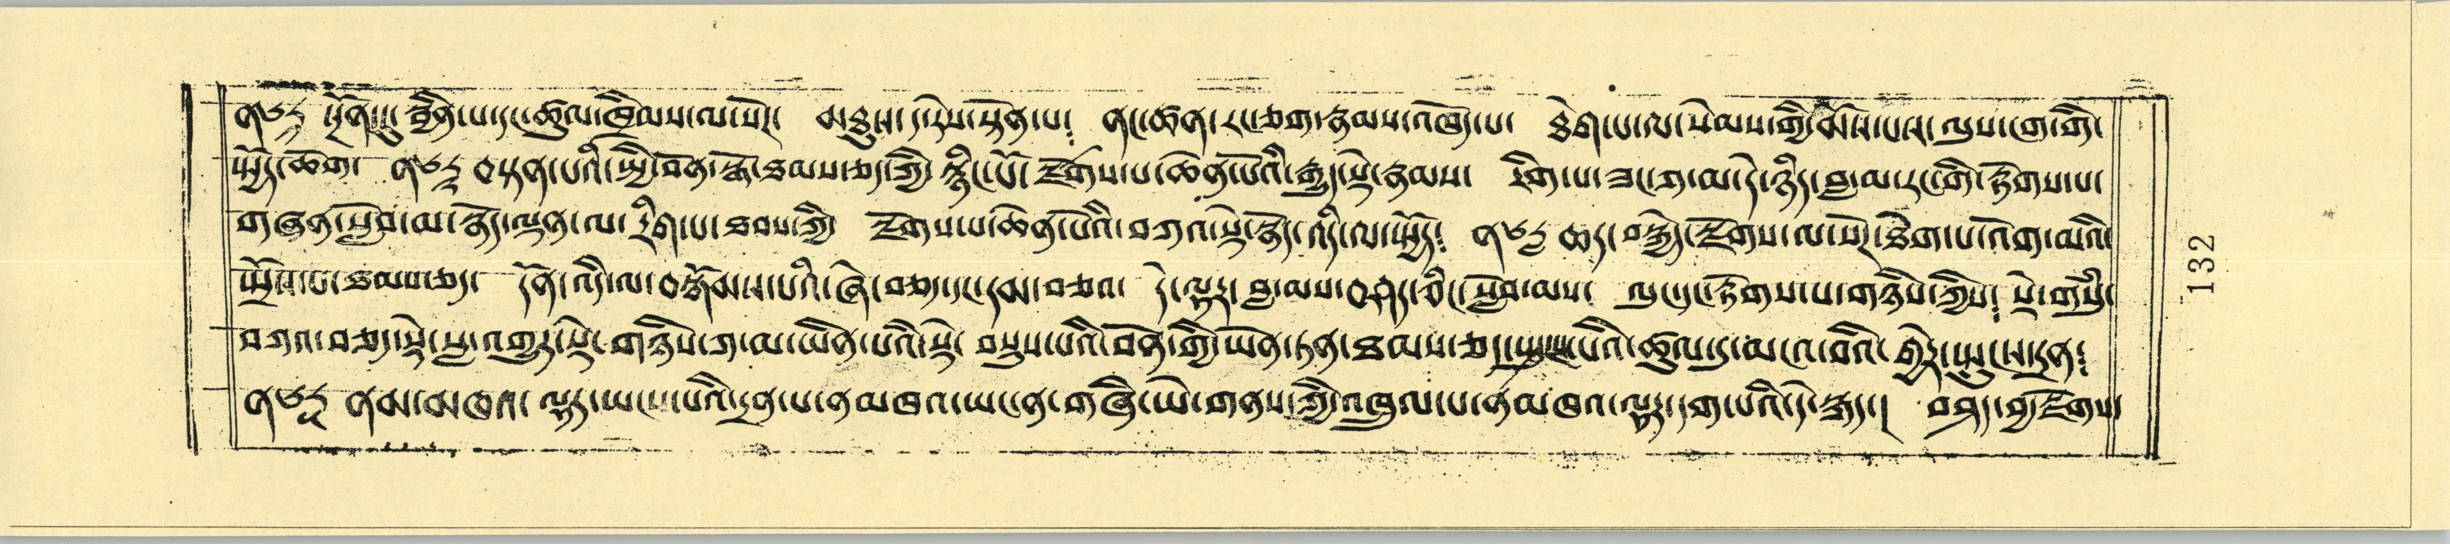ན༦༨།༡༼སྔོན་དུ༽སྦྱིན་པ་དང་ཚུལ་ཁྲིམས་ལ་སོགས་༼མཐུས༽ད་རེས་སྟོན་པ་༼ནང་ཚན༽རང་ཅག་རྣམས་འཁོད་པ་༼ཐེག་པ་ལ༽སེམས་ཀྱི་༼མོས་པས༽ལུས་ངག་གི
སྤྱིད་ཆོག་ན༦༨།༢༼བསྟན་པའི༽སྤྱི་བོན་སྒོ་ཐམས་ཅད་ཀྱི་༼སྙིང་པོ༽རྫོགས་པ་ཆེན་པོའི་རྒྱུད་སྡེ་རྣམས་རིག་པ་ཟང་ཀ་མ་དེ་ཉིད་བླ་མ་རང་གི་རྟོགས་པ་
གཞན་སློབ་མ་སྣོད་ལྡན་ལ་༼རིག་པ༽ཐབས་ཀྱི་རྫོགས་པ་ཆེན་པོའི་བཀའ་སྡེ་སྣོད་༼འདི་ལ་སྤྱོད༽ན༦༨།༤༼ཆད༽བསྐྱེད་རྫོགས་ལ་སོགས་ཐེག་པ་འོག་མའི་
༼སྤྲོས་པ༽ཐམས་ཅད་དོན་འདི་ལ་༼བསྒོམ་པའི་ཞེ༽བཅད་དང་༼དམ༽བཅའ་༼དེ་ལྟར༽བླ་མས་༼བཤད་ཅིང༽སློབ་མས་ལུང་དང་རྟོགས་པ་གཉིས་ཀྱིས་སྡེ་གསུམ་
བཀའ་བཅད་སྡེ་སླ་འགྱུར་སྡེ་གཉིས་ཀ་མ་ཡིན་པའི་སྡེ་བསྡུས་པའི་བོན་གྱི་ཡོན་ཏན་ཐམས་ཅད་སྤུངས་པའི་ཚུལ་དུ་མངའ་བའི་༼གྱེར་སྤུངས་དྲན།
ན༦༨།༥༼ནམ་མཁའ༽ལྟར་ཡངས་པའི་དྲན་པ་ནམ་མཁའ་ཡང་ན་གཞི་ཡེ་གནས་ཀྱི་འཁྲུལ་པ་ནམ་མཁའ་ལྟར་དག་པའི་དེ་སྐད། བཤད་བྱ་རྫོགས་